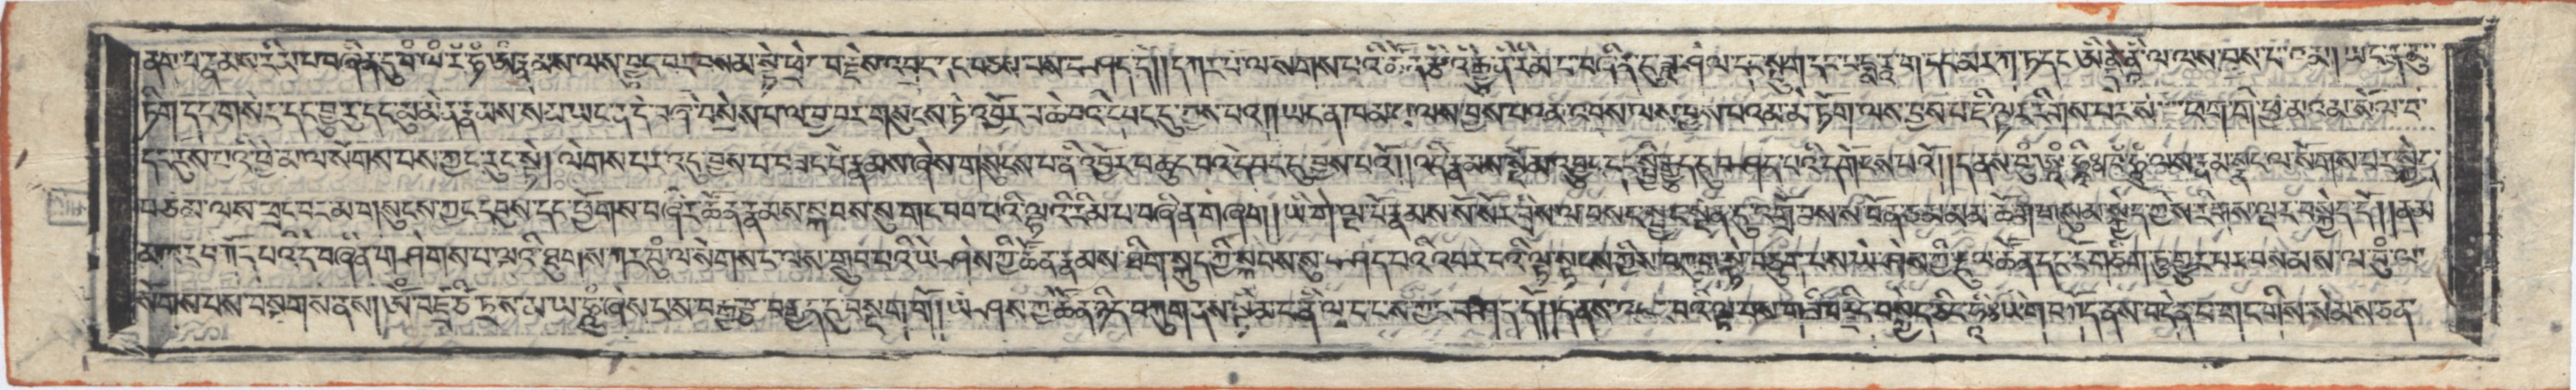ནག་པ་རྣམས་རིམ་པ་བཞིན་དུ་བཾ་ལཾ་རཾ་ཧཾ་ཨཾ་རྣམས་ལས་བྱུང་བར་བསམ་སྟེ་ཕྲེང་བ་རྗེས་འབྲང་དང་བཅས་པས་བཤད་དོ། །དཀར་པོ་ལ་སོགས་པའི་ཚོན་རྩིའི་རྒྱུ་ནི་རིམ་པ་བཞིན་དུ་ཟླ་ཤེལ་དང་སྤུག་དང་པདམ་རཱ་ག་དང་མར་ཀ་ཏ་དང་ཨིནྡྲ་ནཱི་ལ་ལས་བྱས་པ་འམ། ཡང་ན་མུ་
ཏིག་དང་གསེར་དང་བྱུ་རུ་དང་མུ་མིན་རྣམས་སམ་ཡང་ན་དེ་བཞི་བསྲེས་པ་ལ་བྱ་བར་གསུངས་ཏེ་འབྱོར་བ་ཆེ་བའི་དབང་དུ་བྱས་པའོ། །ཡང་ན་ཁམ་པ་ལས་བྱས་པའམ་འབྲས་ལས་བྱས་པའམ་མེ་ཏོག་ལས་བྱས་པ་ཇི་ལྟར་རིགས་པར་སོ་ཕག་གི་ཕྱི་མའམ་སོལ་བ་
དང་རུས་པའི་ཕྱི་མ་ལ་སོགས་པས་ཀྱང་རུང་སྟེ། ལེགས་པར་འདུ་བྱས་པ་བཟང་པོ་རྣམས་ཞེས་གསུངས་པ་ནི་འབྱོར་བ་ཆུང་བའི་དབང་དུ་བྱས་པའོ། །འདི་རྣམས་སྡོམ་འབྱུང་དང་སྤྱི་རྒྱུད་དུ་བཤད་པའི་དགོངས་པའོ། །དེ་ནས་བུཾ་ཨའཾ་ཧྲཱིཿ ཁཾ་ཧཱུཾ་ལས་རྣམ་སྣང་ལ་སོགས་པར་སྐྱེད་
པ་ཙམ་ལས་ཕྲེང་བར་མ་གསུངས་ཀྱང་དབུས་དང་ཕྱོགས་བཞིར་ཚོན་རྣམས་སྐབས་སུ་གང་བབ་པའི་ལྷའི་རིམ་པ་བཞིན་གཞག །ཡི་གེ་ལྔ་པོ་རྣམས་སོ་སོར་བྲིས་ལ་བསང་སྦྱང་སྔོན་དུ་འགྲོ་བས་ས་བོན་ཙམ་མམ་ཆོ་ག་གསུམ་སྐྱེད་ཀྱིས་རིགས་ལྔར་བསྐྱེད་དོ། །ནམ་
མཁར་བཀོད་པའི་དེ་བཞིན་གཤེགས་པ་ལྔའི་ཐུགས་ཀར་བུཾ་ལ་སོགས་པ་ལས་གྲུབ་པའི་ཡེ་ཤེས་ཀྱི་ཚོན་རྣམས་ཐིག་སྐུད་ཀྱི་སྐབས་སུ་བཤད་པའི་འབར་བའི་ལྟ་སྟངས་ཀྱིས་བཀུག་སྟེ་བཅུག་པས་ཡེ་ཤེས་ཀྱི་རྡུལ་ཚོན་དང་རོ་གཅིག་ཏུ་གྱུར་པར་བསམས་ལ་བུཾ་ལ་
སོགས་པས་བསྔགས་ནས། ཨོཾ་བཛྲ་ཙི་ཏྲ་ས་མ་ཡ་ཧཱུཾ་ཞེས་པས་བརྒྱ་རྩ་བརྒྱད་དུ་བསྔག་གོ །ཡེ་ཤེས་ཀྱི་ཚོན་ཉིད་བཀུག་ནས་སྟིམ་པ་ནི་ལྭ་བ་པས་ཀྱང་བཤད་དོ། །དེ་ནས་འབར་བའི་ལྟ་བས་གཟི་བརྗིད་བསྐྱེད་ཅིང་ཧཱིཿ ཡིག་བཀོད་ནས་བདེན་པ་གང་གིས་སེམས་ཅན་